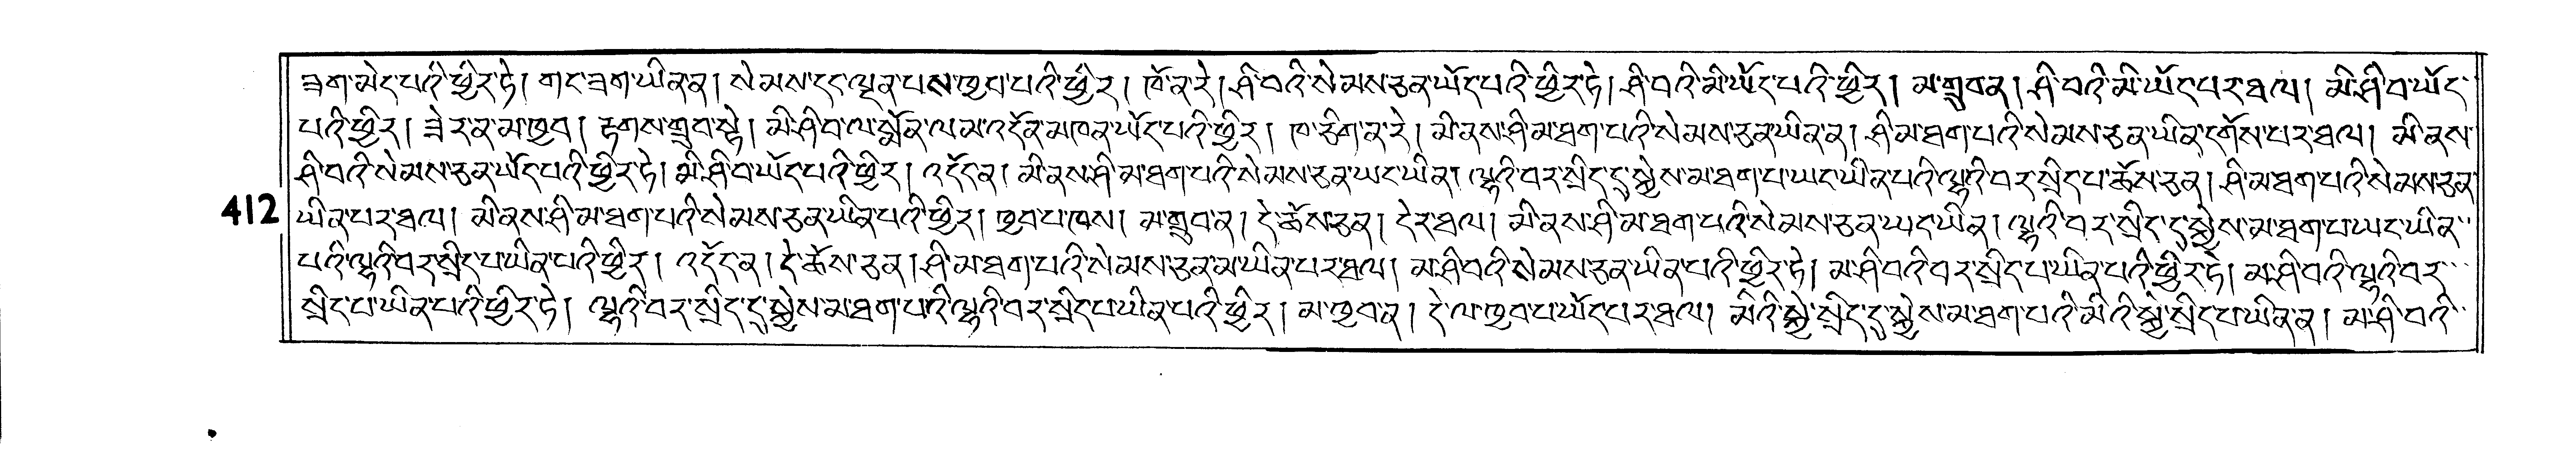ཟག་མེད་པའི་ཕྱིར་ཏེ། གང་ཟག་ཡིན་ན། སེམས་དང་ལྡན་པས་ཁྱབ་པའི་ཕྱིར། ཁོ་ན་རེ། ཤི་བའི་སེམས་ཅན་ཡོད་པའི་ཕྱིར་ཏེ། ཤི་བའི་མི་ཡོད་པའི་ཕྱིར། མ་གྲུབ་ན། ཤི་བའི་མི་ཡོད་པར་ཐལ། མི་ཤི་བ་ཡོད་
པའི་ཕྱིར། ཟེར་ན་མ་ཁྱབ། རྟགས་གྲུབ་སྟེ། མི་ཤི་བ་ལ་སྨོན་ལམ་འདོན་མཁན་ཡོད་པའི་ཕྱིར། ཁ་ཅིག་ན་རེ། མི་ནས་ཤེས་མ་ཐག་པའི་སེམས་ཅན་ཡིན་ན། ཤི་མ་ཐག་པའི་སེམས་ཅན་ཡིན་པའི་དངོས་པར་ཐལ། མི་ནས་
ཤི་བའི་སེམས་ཅན་ཡོད་པའི་ཕྱིར་ཏེ། མི་ཤི་བ་ཡོད་པའི་ཕྱིར། འདོད་ན། མི་ནས་ཤི་མ་ཐག་པའི་སེམས་ཅན་ཡང་ཡིན། ལྷའི་བར་སྲིད་དུ་སྐྱེས་མ་ཐག་པ་ཡང་ཡིན་པའི་ལྷག་བར་སྲིད་པ་ཆོས་ཅན། ཤི་མ་ཐག་པའི་སེམས་ཅན་
ཡིན་པར་ཐལ། མི་ནས་ཤི་མ་ཐག་པའི་སེམས་ཅན་ཡིན་པའི་ཕྱིར། ཁྱབ་པ་ཁས། མ་གྲུབ་ན། དེ་ཆོས་ཅན། དེར་ཐལ། མི་ནས་ཤི་མ་ཐག་པའི་སེམས་ཅན་ཡང་ཡིན། ལྷའི་བར་སྲིད་དུ་སྲིད་དུ་སྐྱེས་མ་ཐག་པ་ཡང་ཡིན་
པའི་ལྷའི་བར་སྲིད་པ་ཡིན་པའི་ཕྱིར། འདོད་ན། ཚེ་ཆོས་ཅན། ཤི་མ་ཐག་པའི་སེམས་ཅན་མ་ཡིན་པར་ཐལ། མ་ཐིག་བའི་སེམས་ཅན་ཡིན་པའི་ཕྱིར་ཏེ། མ་ཤི་བའི་སར་སྲིད་པ་ཡིན་པའི་ཕྱིར་ཏ།ཨེ་མ་ཤི་བའི་ལྷའི་བར་
སྲིད་པ་ཡིན་པའི་ཕྱིར་ཏེ། ལྷའི་བ་རི་སྲིད་དུ་སྐྱེས་མ་ཐག་པའི་ལྷའི་བར་སྲིད་པ་ཡིན་པའི་ཕྱིར། མ་ཁྱབ་ན། དེ་ལ་ཕྱག་པ་ཡོད་པར་ཐལ། མི་སྐྱེ་སྲིད་དུ་སྐྱེས་མ་ཐག་པའི་མི་འི་སྐྱེ་སྲིད་པ་ཡིན་ན། མ་ཤི་བའི་